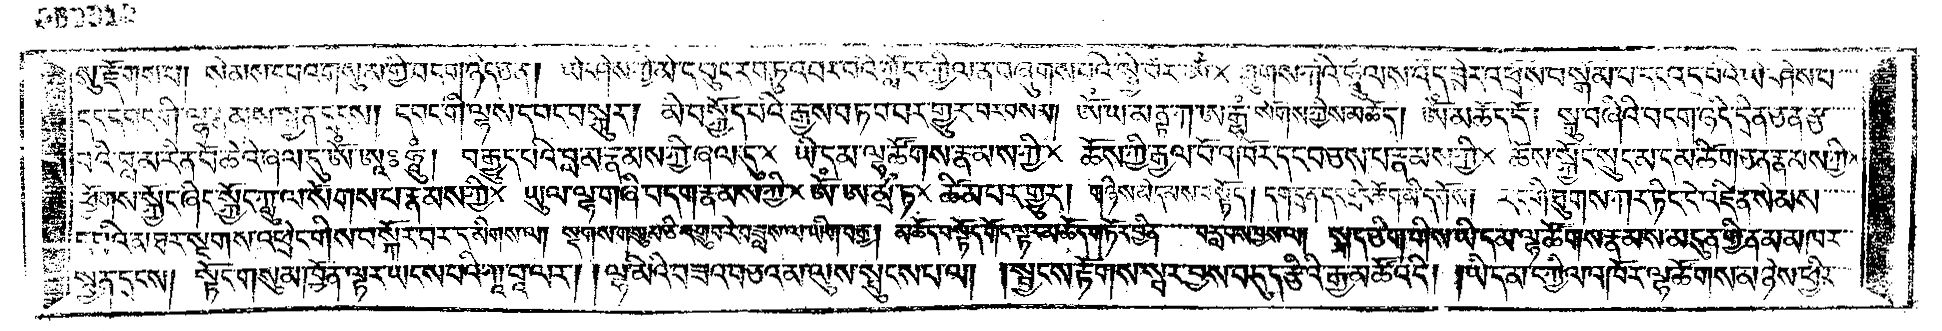སུ་རྫོགས་པ། སེམས་དཔའ་གསུམ་གྱི་བདག་ཉིད་ཅན། ཡེ་ཤེས་ཀྱི་མེ་དབུང་རབ་ཏུ་འབར་བའི་ཀློང་དཀྱིལ་ན་བཞུགས་པའི་སྤྱི་བོར་ཨོཾ་྾་ཐུགས་ཀའི་ཧཱུཾ་ལས་འོད་ཟེར་འཕྲོས་བསྒོམ་པ་དང་འདྲ་བའི་ཡེ་ཤེས་པ་
དང་དབང་གི་ལྷ་རྣམས་སྤྱན་དྲངས། དབང་གི་ལྷས་དབང་བསྐུར། མི་བསྐྱོད་པའི་རྒྱས་བཏབ་པར་གྱུར་བར་བསམ།  ཨོཾ་ཡ་མནྟ་ཀ་ཨརྒྷཾ་སོགས་ཀྱིས་མཆོད།  ཨོཾ་མཆོད་དོ། སྐུ་བཞིའི་བདག་ཉིད་དྲིན་ཅན་རྩ་
བའི་བླ་མ་རིན་པོ་ཆེའི་ཞལ་དུ་ཨོཾ་ཨཱཿ ཧཱུཾ། བརྒྱུད་པའི་བླ་མ་རྣམས་ཀྱི་ཞལ་དུ་྾་ཡི་དམ་ལྷ་ཚོགས་རྣམས་ཀྱི་྾་ཆོས་ཀྱི་རྒྱལ་པོ་འཁོར་དང་བཅས་པ་རྣམས་ཀྱི་྾་ཆོས་སྐྱོང་སྲུང་མ་དམ་ཚིག་ཅན་རྣམས་ཀྱི་྾་
ཕྱོགས་སྐྱོང་ཞིང་སྐྱོང་ཀླུ་ལ་སོགས་པ་རྣམས་ཀྱི་྾་ཡུལ་ལྷ་གཞི་བདག་རྣམས་ཀྱི་྾་ཨོཾ་ཨ་མྲྀ་ཏ་྾་ཚིམ་པར་གྱུར། གཉིས་མེད་མས་བསྟོད། དག་དྲན་དང་ཕྲེང་ཆོག་མི་དགོས།  རང་གི་ཐུགས་ཀར་ཏིང་ངེ་འཛིན་སེམས་
དཔའི་མཐར་སྔགས་འཕྲེང་གིས་བསྐོར་བར་དམིགས་ལ། སྔགས་གསུམ་ཅི་འགྲུབ་རེ་བཟླས་ལ་ཡིག་བརྒྱ། མཆོད་བསྟོད་གོང་ལྟར་མཆོད་གཏོར་བྱིན་བརླབས་བྱས་ལ།  སྐད་ཅིག་གིས་ཡི་དམ་ལྷ་ཚོགས་རྣམས་མདུན་གྱི་ནམ་མཁར་
སྤྱན་དྲངས། སྟོང་གསུམ་ཁྱོན་ལྟར་ཡངས་པའི་ཀཱ་བཱ་ལར། །ལྷ་མིའི་བཟའ་བཅའ་མ་ལུས་སྤུངས་པ་ལ། །སྦྱངས་རྟོགས་སྦར་བྱས་བདུད་རྩིའི་རྒྱ་མཚོ་འདི། །ཡི་དམ་དཀྱིལ་འཁོར་ལྷ་ཚོགས་མཉེས་ཕྱིར་